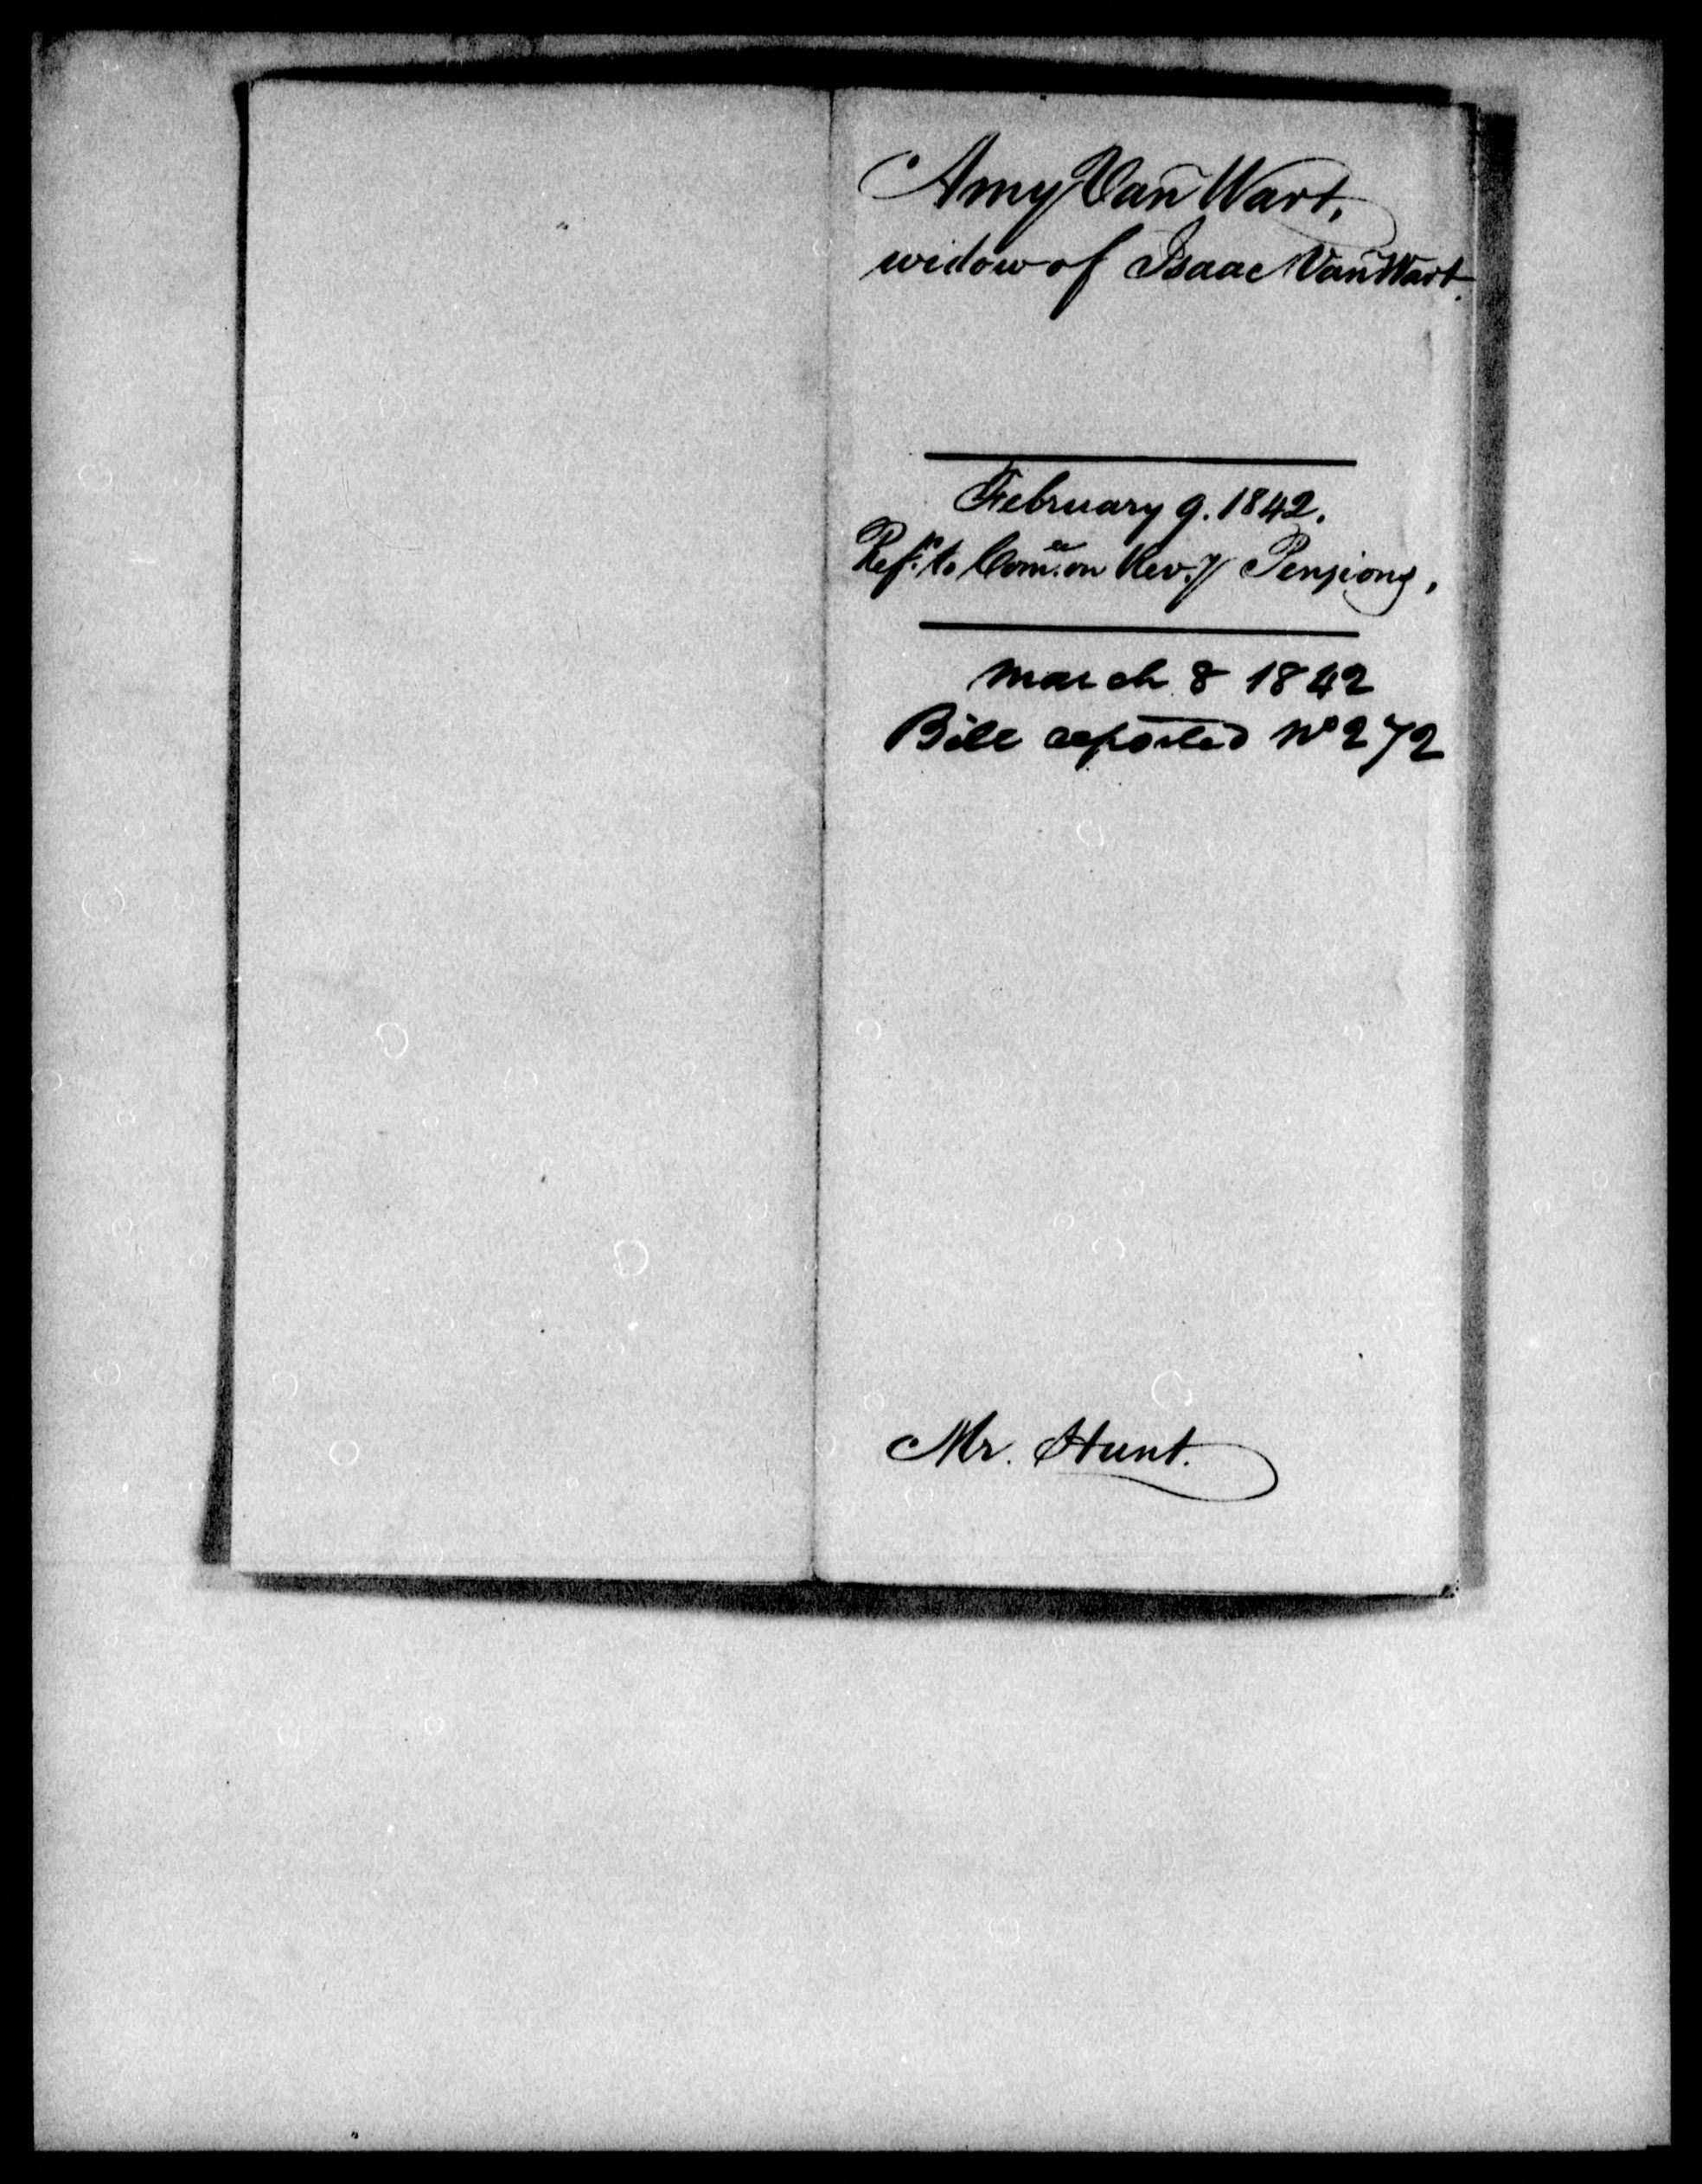Amy Van Wart, 
widow of Isaac Van Wart

February 9, 1842. Refd to Comee [committee] on Revy Pensions 
March 1842 
Bill reported  No 272 


Mr. Hunt.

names: Isaac Van Wart, Hunt, Amy Van Wart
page: 80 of 102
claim: widow's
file: W. 18239, Isaac Van Wart, New York